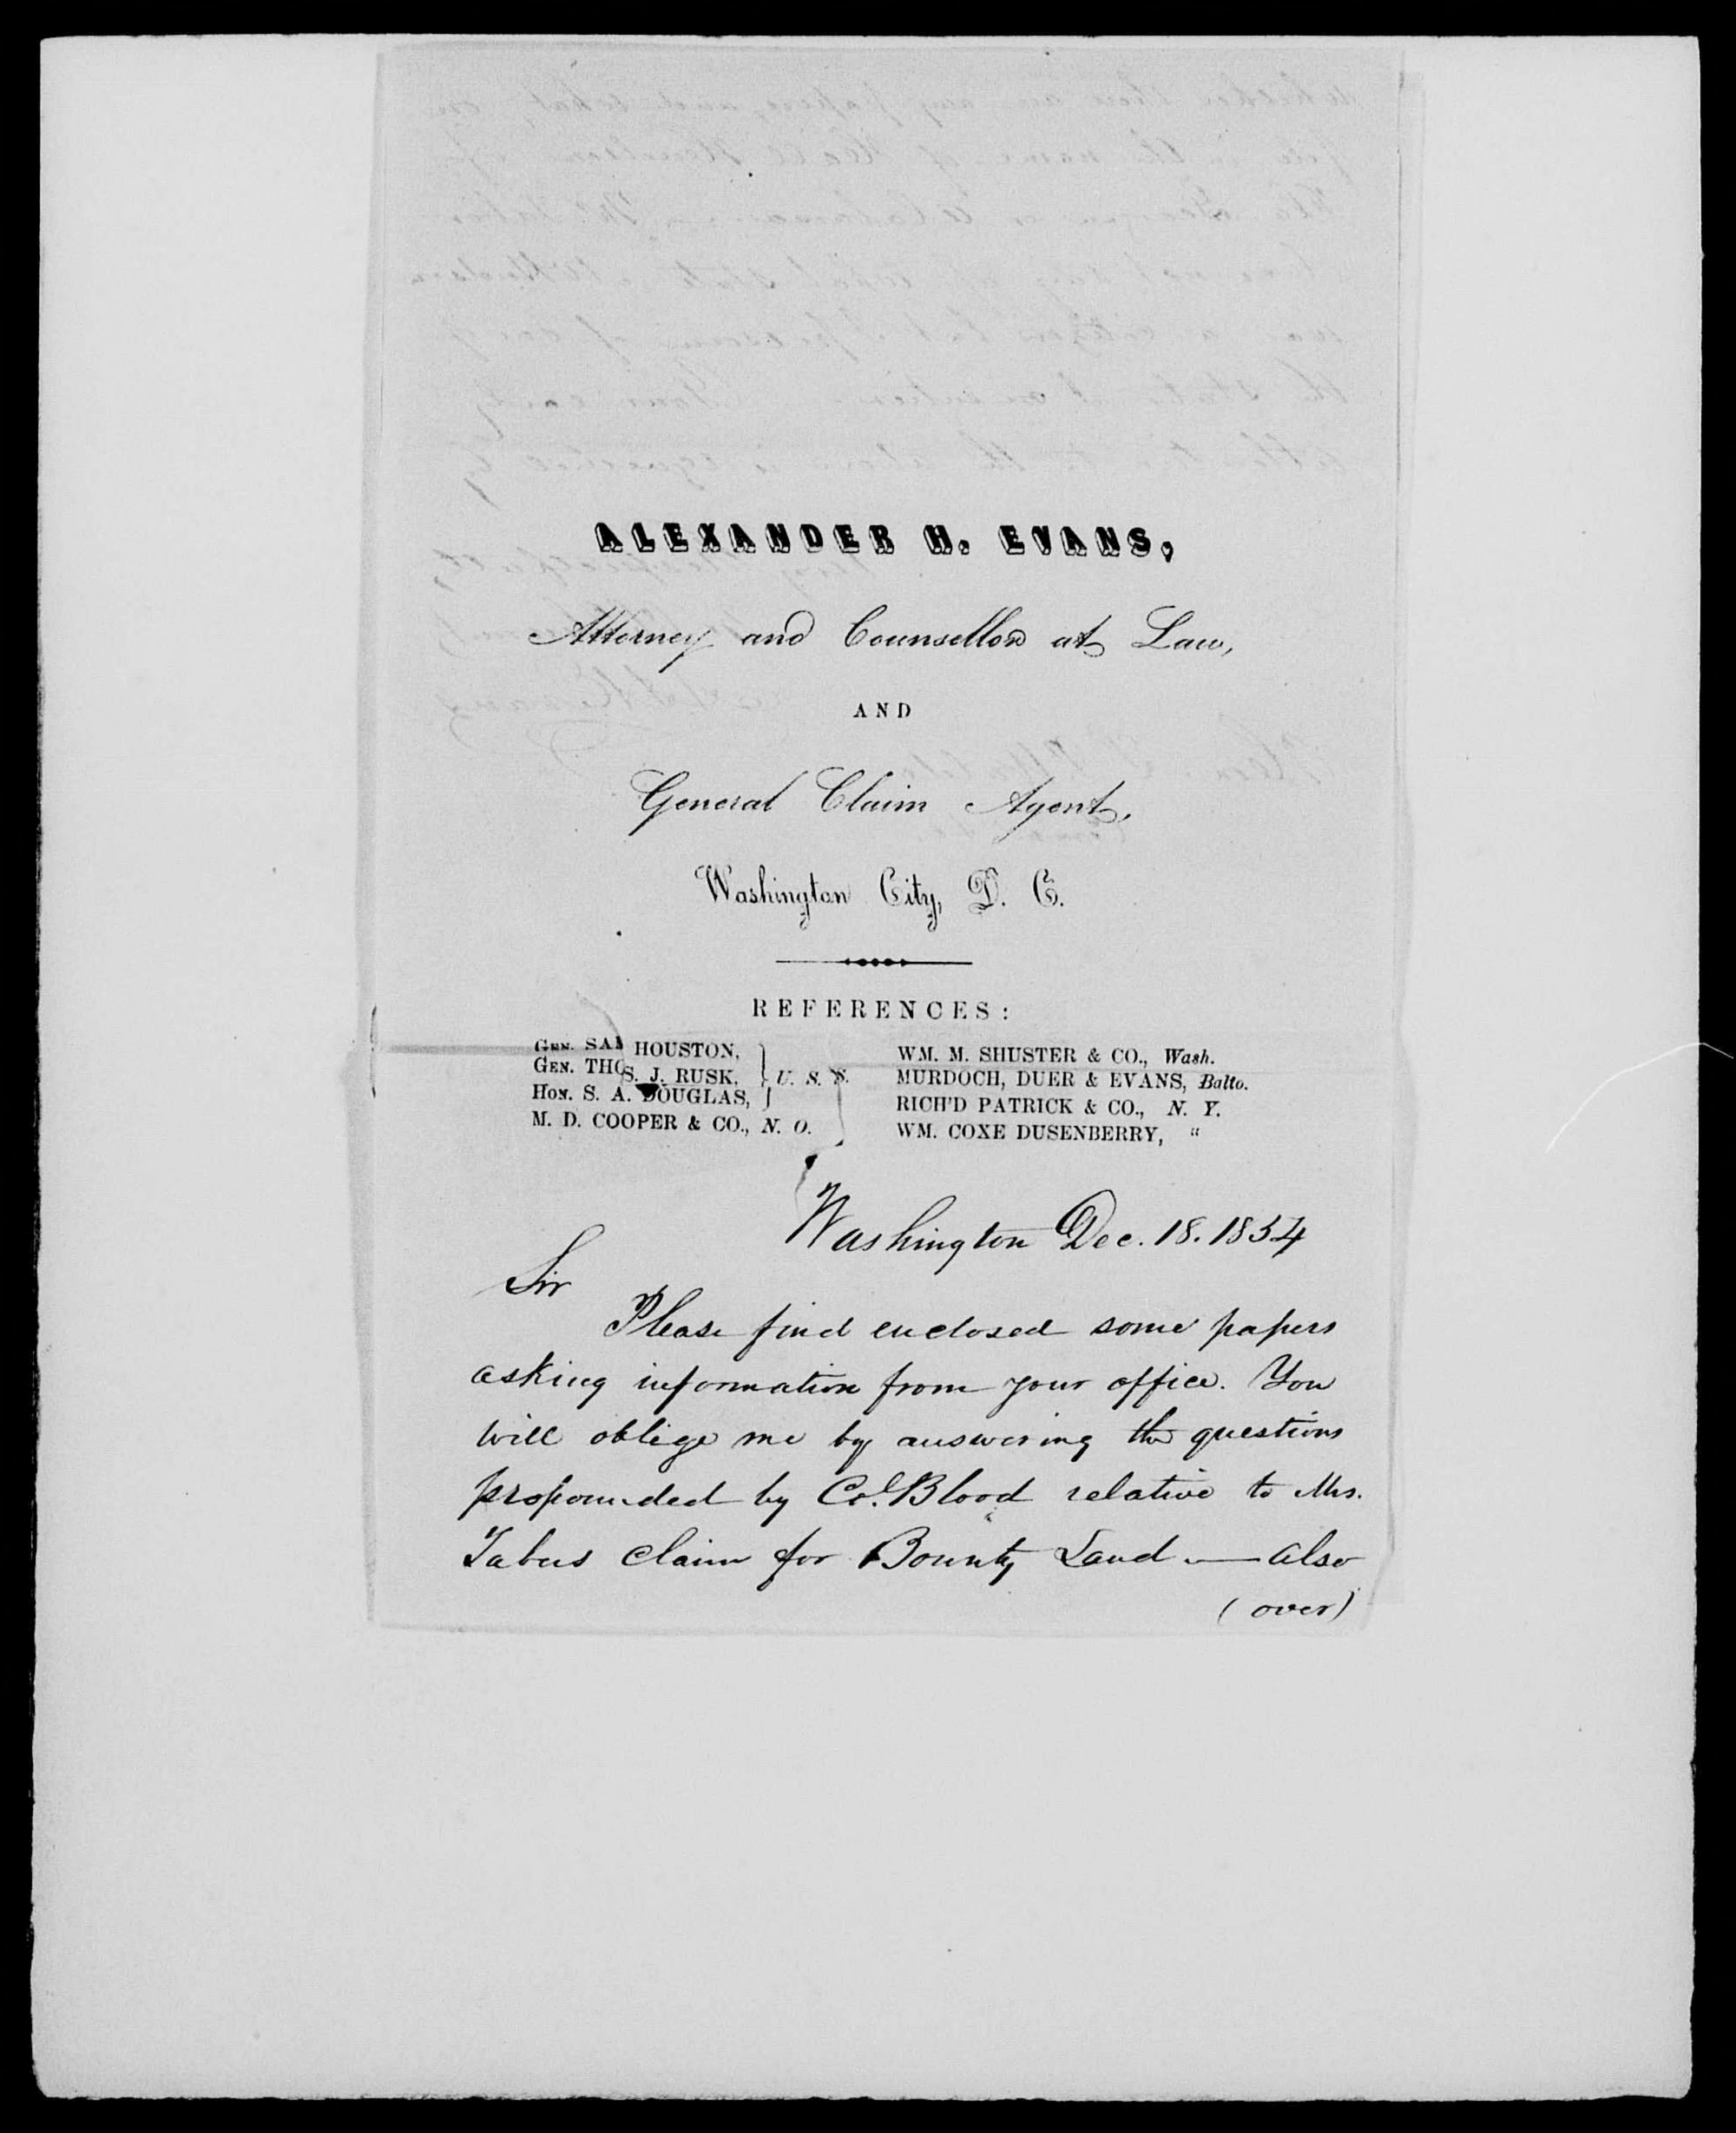Alexander H. Evans,
Attorney and Counsellor at Law,
and
General Claim Agent,
Washington City, D. C.
References:
Gen. Sam Houston
Gen. Thos. J. Rusk U. S. S.
Hon. S. A. Douglas
M. D. Cooper & Co., N. O.
WM. M. Shuster & Co., Wash.
Murdoch, Duer & Evans, Balto.
Rich’d Patrick & Co., N. Y.
WM. Coxe Dusenberry, “
Washington Dec. 18, 1854
Sir,
Please find enclosed some papers asking information from your office.  You will oblige me by answering the questions proforwarded by Col. Blood relative to Mrs. Tabers claim for Bounty Land - also 
(over)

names: Thos J Rusk, Alexander H Evans, Tabus, S A Houston, Murdoch Duer, Wm Coxe Dusenberry, S A Douglas, Evans, Blood, Richd Patrick, M D Cooper, Wm M Shuster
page: 2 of 14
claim: rejected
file: R. 4463, Hall Hudson, S.C.